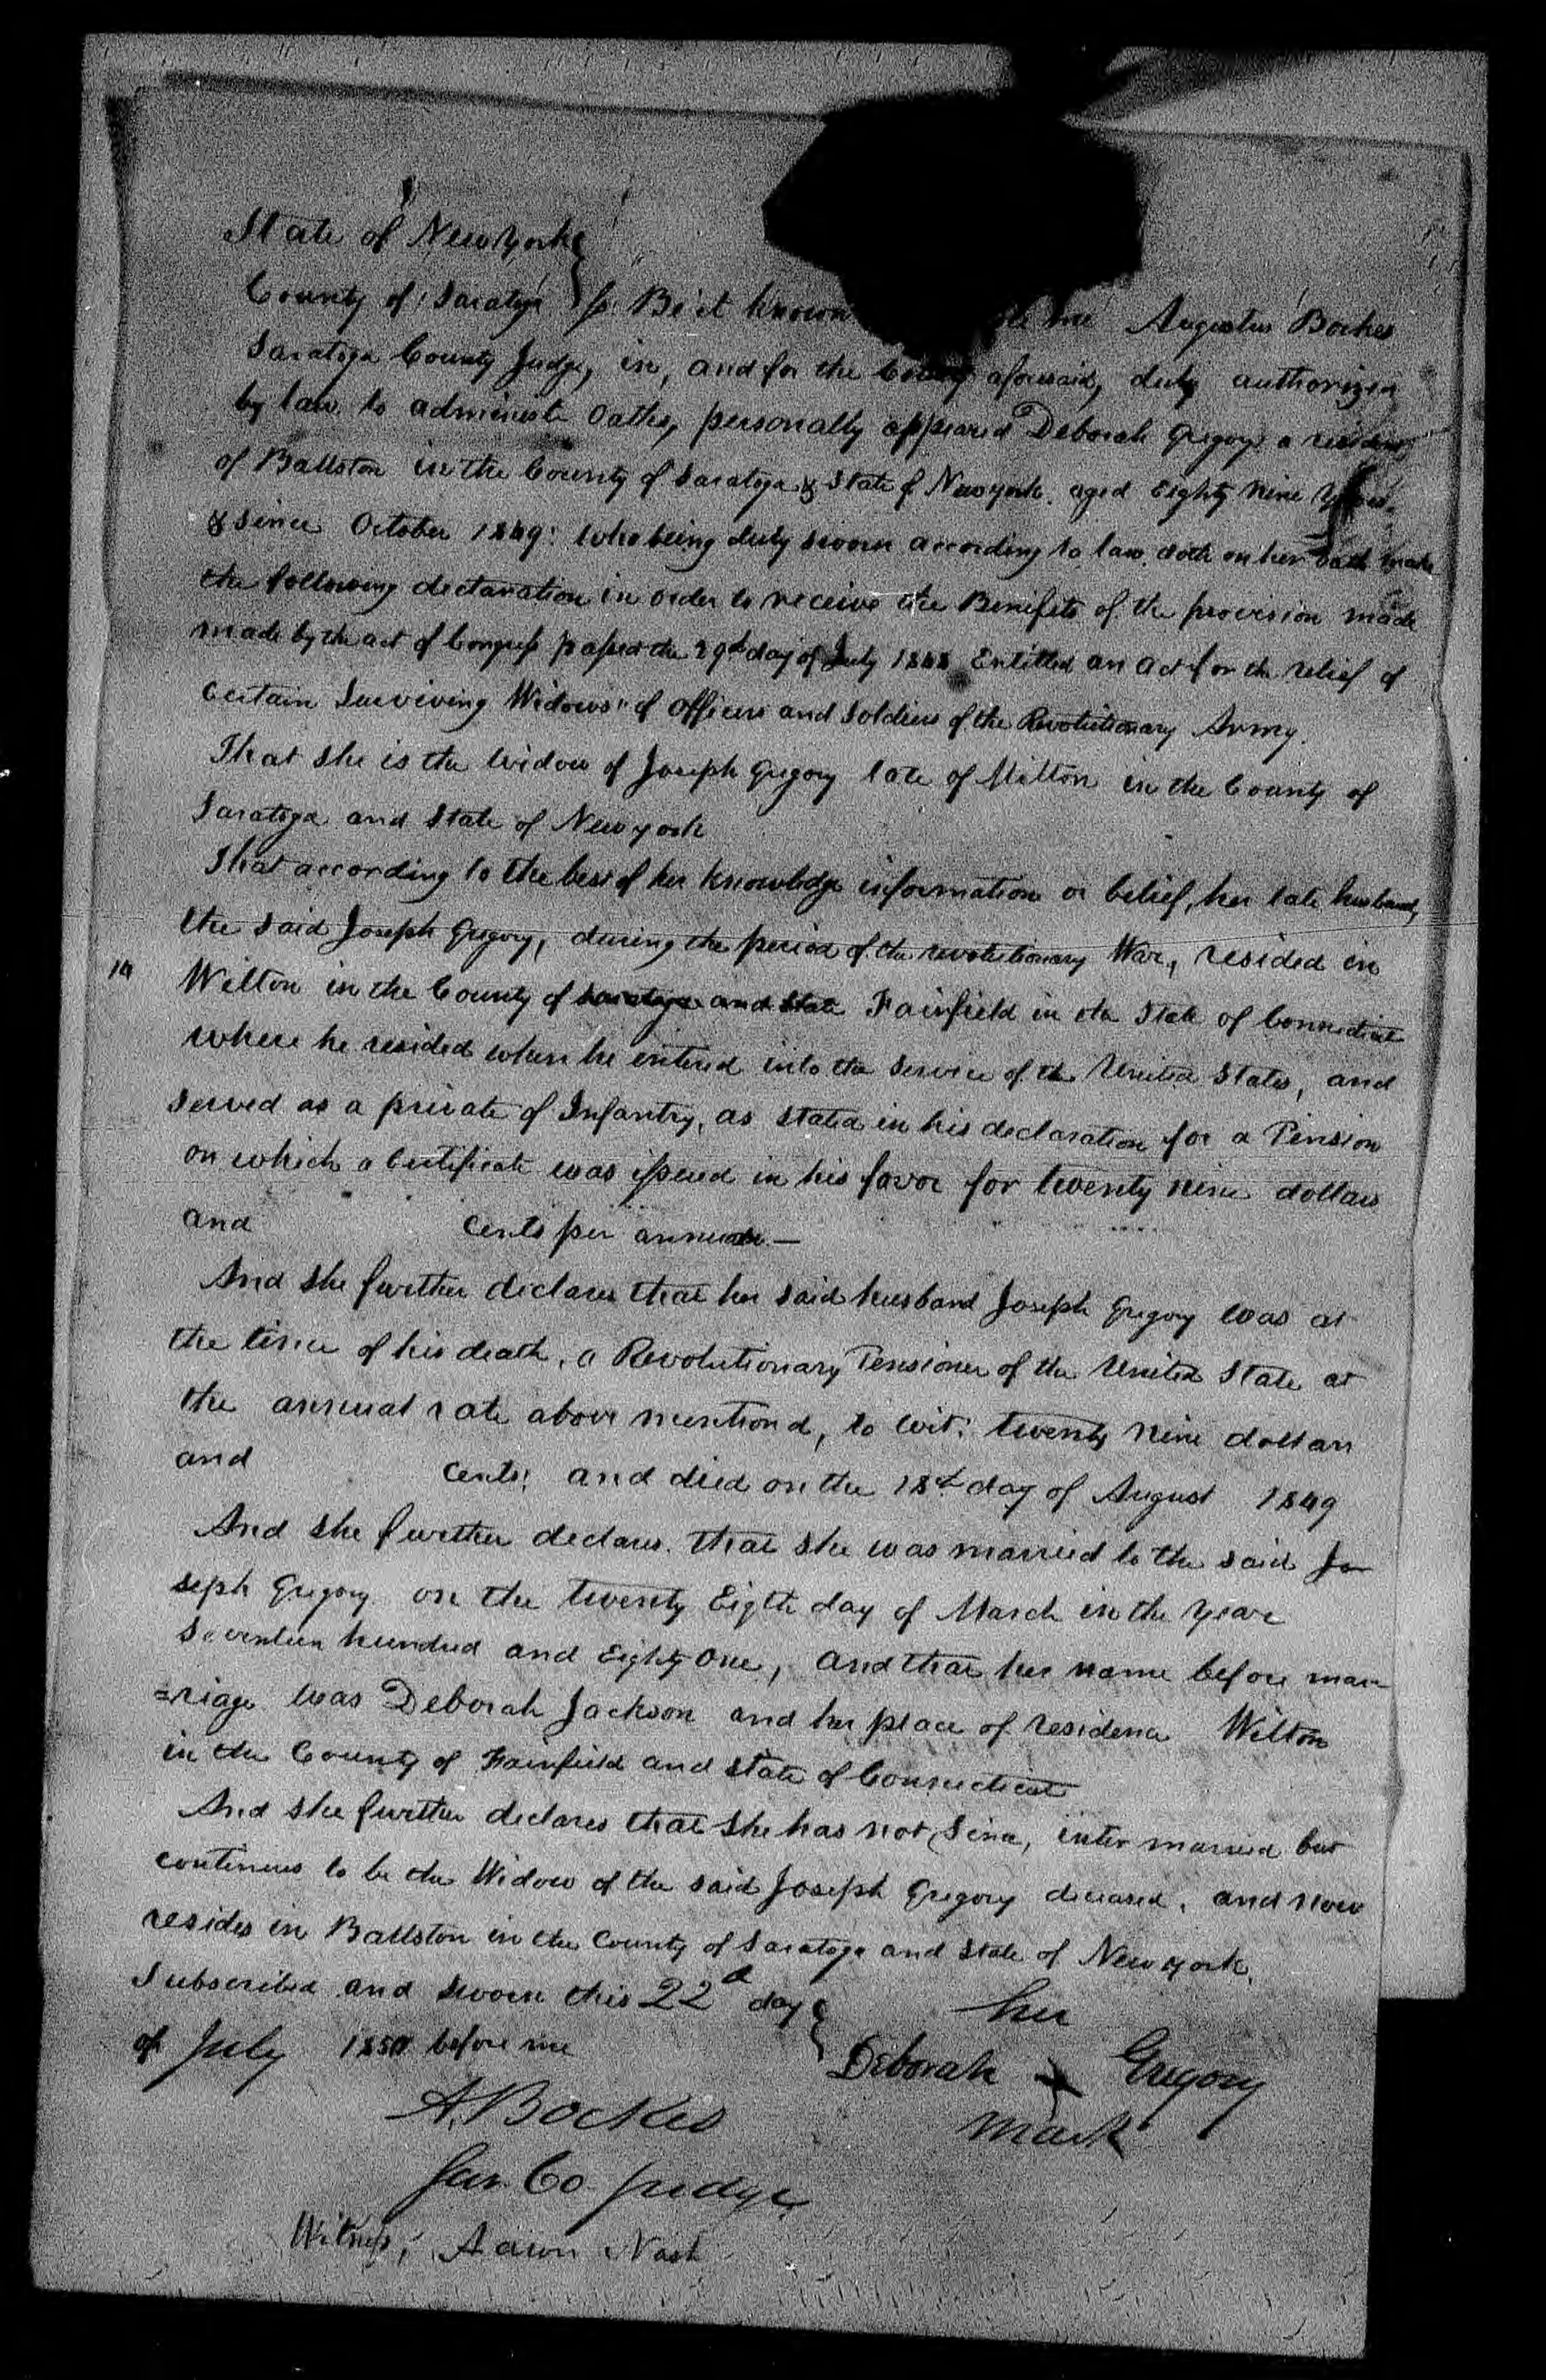State of New York
County of Saratoga} Js    Be it know [ ink blot] Augustin Bockes Saratoga County Judge, in, and for the County aforesaid duly authorized by law to administer oaths personally appeared Deborah Gregory a resident of Ballston in the County of Saratoga & State of New York, aged eighty nine years , & since October 1849; who being duly sworn according to law, doth on her oath makes the following declaration in order to receive the Benefits of the provision made by the act of Congress passed the 29th day of July 1848 Entitled and Act for the relief of certain surviving widows of Officers and Soldiers of the Revolutionary Army.

That she is the widow of Joseph Gregory late of Wilton in the County of Saratoga and State of New York

That according to the best of her knowledge information or belief, her late husband , the said Joseph Gregory, during the period of the revolutionary War, resided in WIlton in the County of Saratoga and that Fairfield in the State of Connecticut where he resided when he entered into the service of the United States, and served as a private of Infantry, as stated in his declaration for a Pension on which a Certificate was issued in his favor for twenty nine dollars and [blank] cents per annum -
And she further declares that her said husband Joseph Gregory was at the time of his death, a Revolutionary Pensioner of the United States at the annual rate above mentioned, to wit: twenty nine dollars and [blank] cents; and died on the 12th day of August 1849
And she further declares that she was married to the said Joseph Gregory on the twenty eighth day of March in the year seventeen hundred and weighty one, and that her name before marriage was Deborah Jackson and her place of residence Wilton in the County of Fairfield and State of Connecticut

And she further declares that she has not since entered into marriage but continues to be the Widow of said Joseph Gregory deceased, and now resides in Ballston in the County of Saratoga and State of New York. 
                                                     her
                                     Deborah    X    Gregory
                                                     mark


Subscribed and sworn this 22nd day
of July 1850 before me
[Signed]  A. Bockes
Sar. Co. Judge
Wilton Aaron Nash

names: Joseph Gregory, Deborah Jackson, Joseph Gregory, Deborah Gregory, Deborah Gregory, Aaron Nash, Joseph Gregory, Augustus Bockes, A Bockes, Joseph Gregory, Joseph Gregory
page: 6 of 34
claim: widow's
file: W. 1596, Joseph Gregory, Conn.